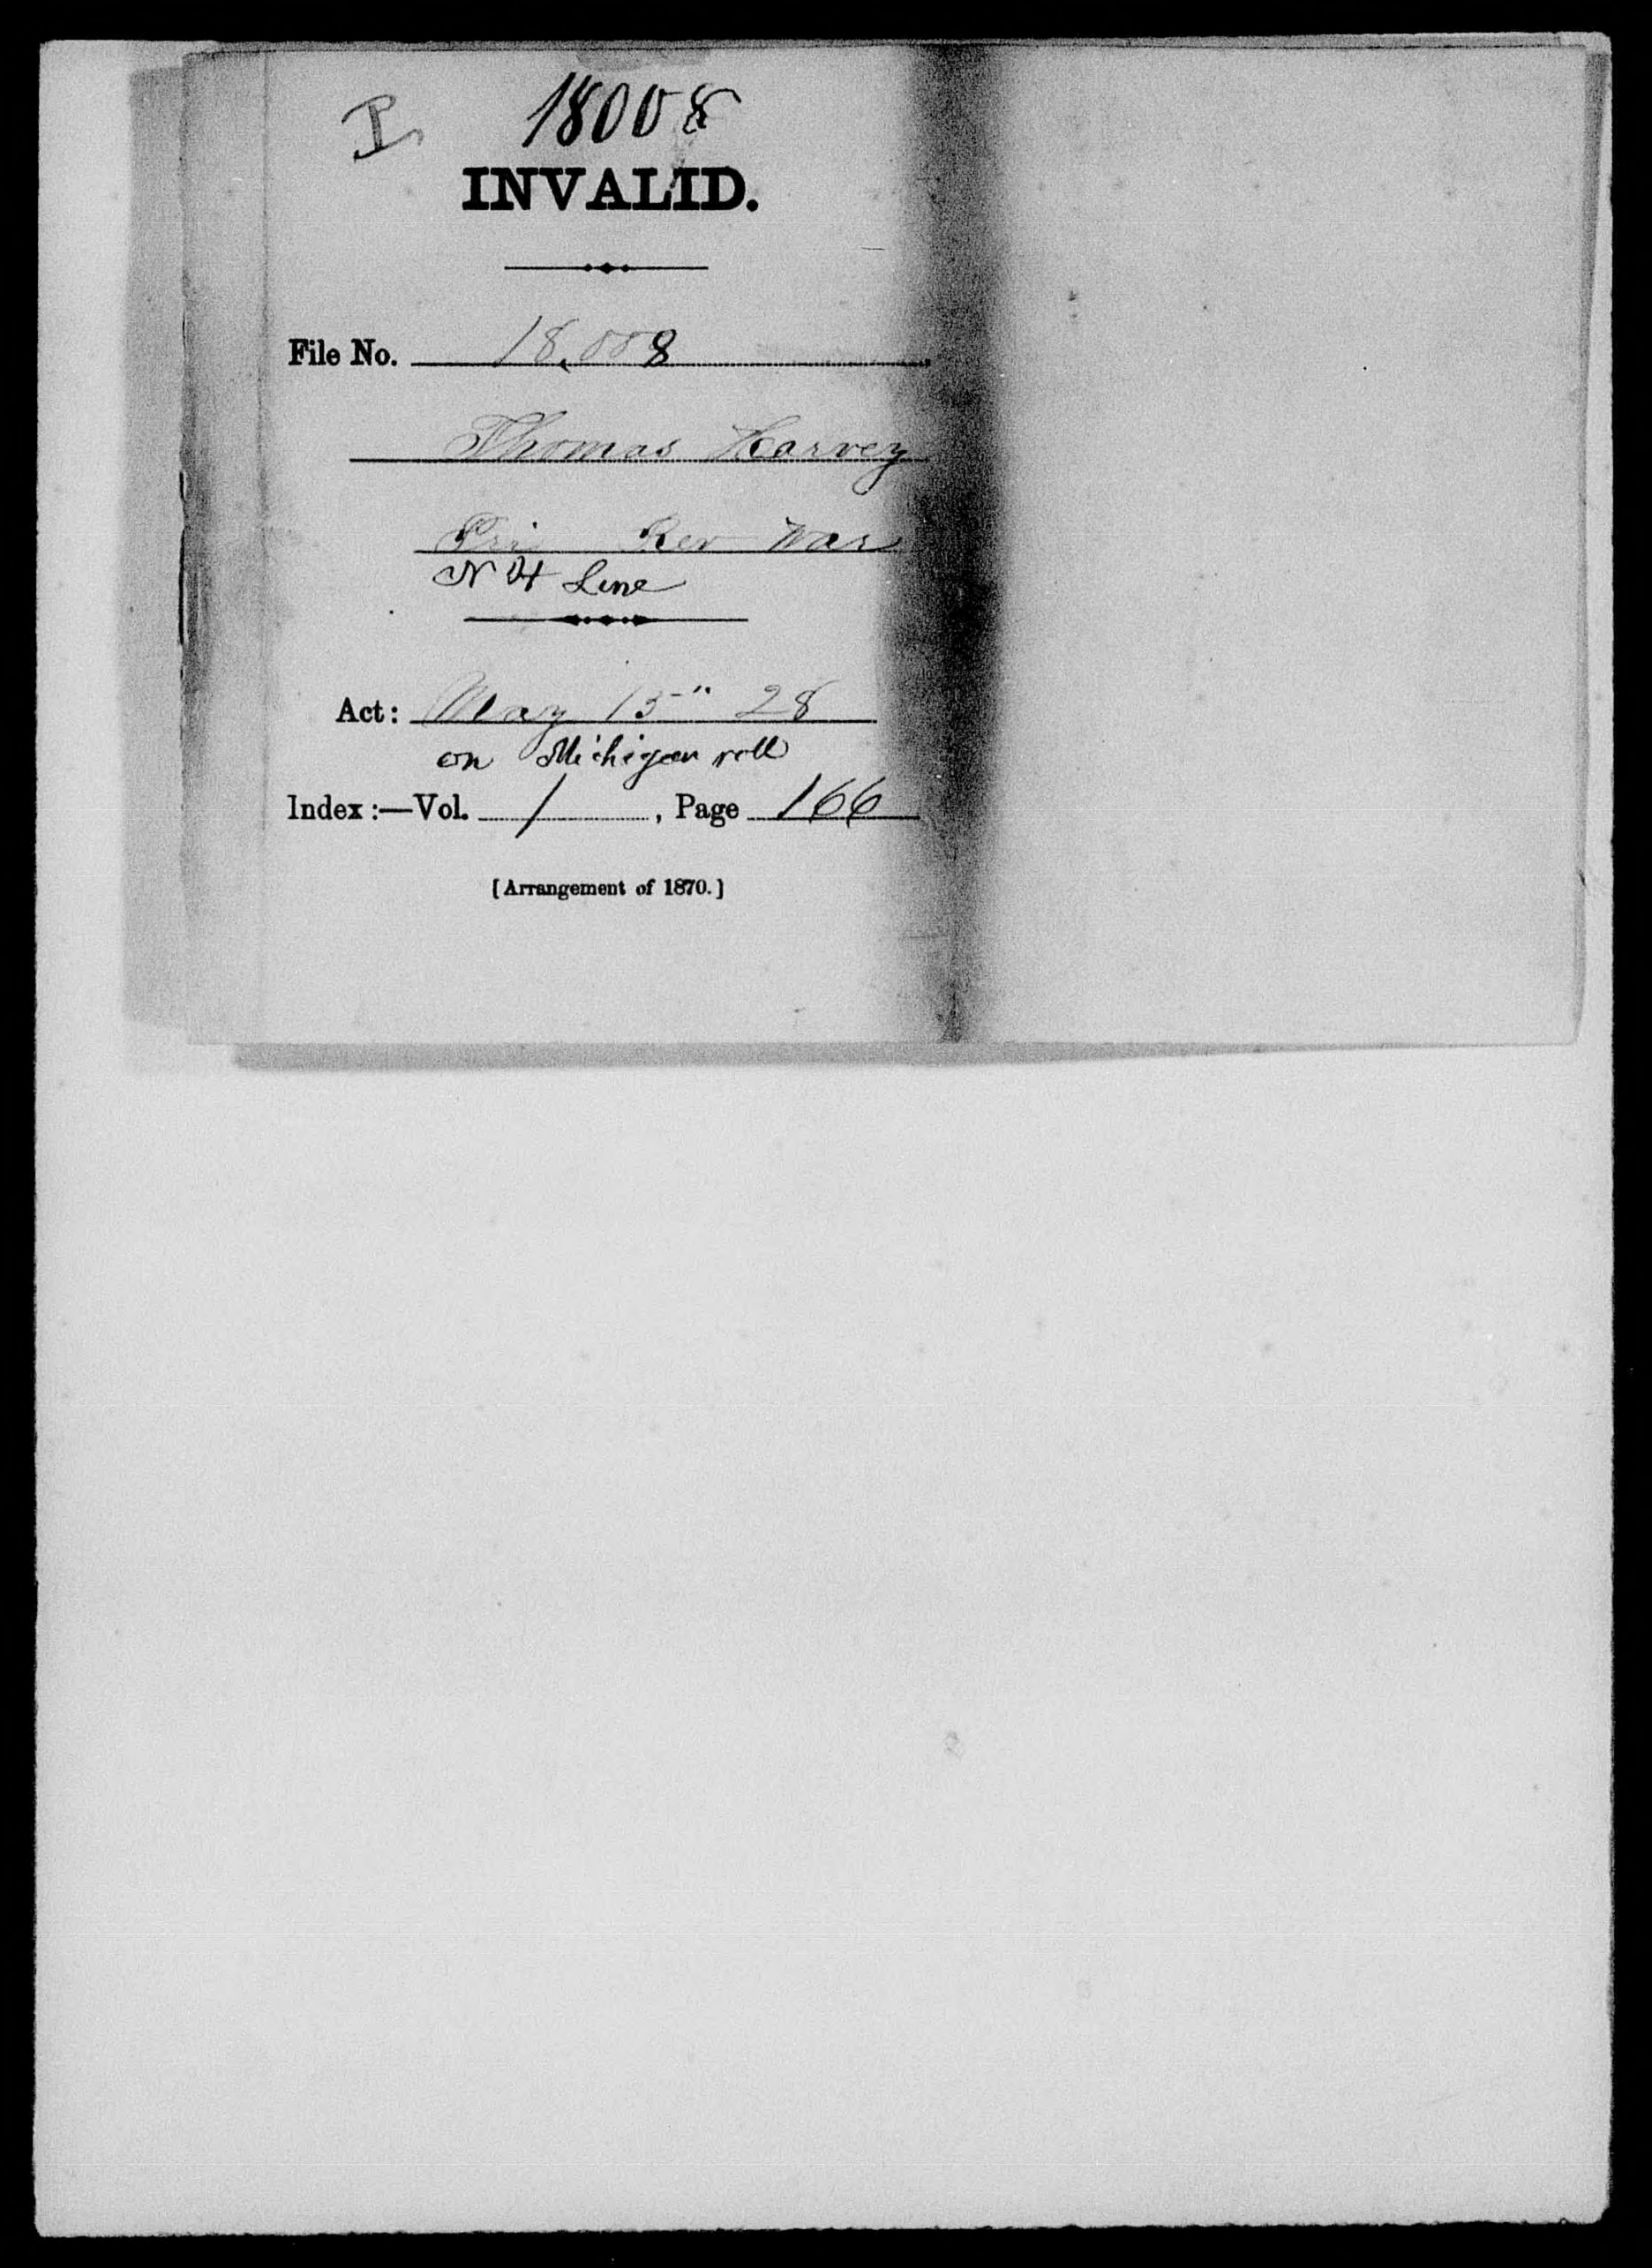P 18008
INVALID.
File No. 18,008
Thomas Harvey 
Pri Rev War
NH line
Act: May 15" 28
on Michigan roll
Index: Vol. 1, Page 166
[Arrangement of 1870.]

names: Thomas Harvey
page: 12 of 80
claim: survivor's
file: S. 18008, Thomas Harvey, N.H.